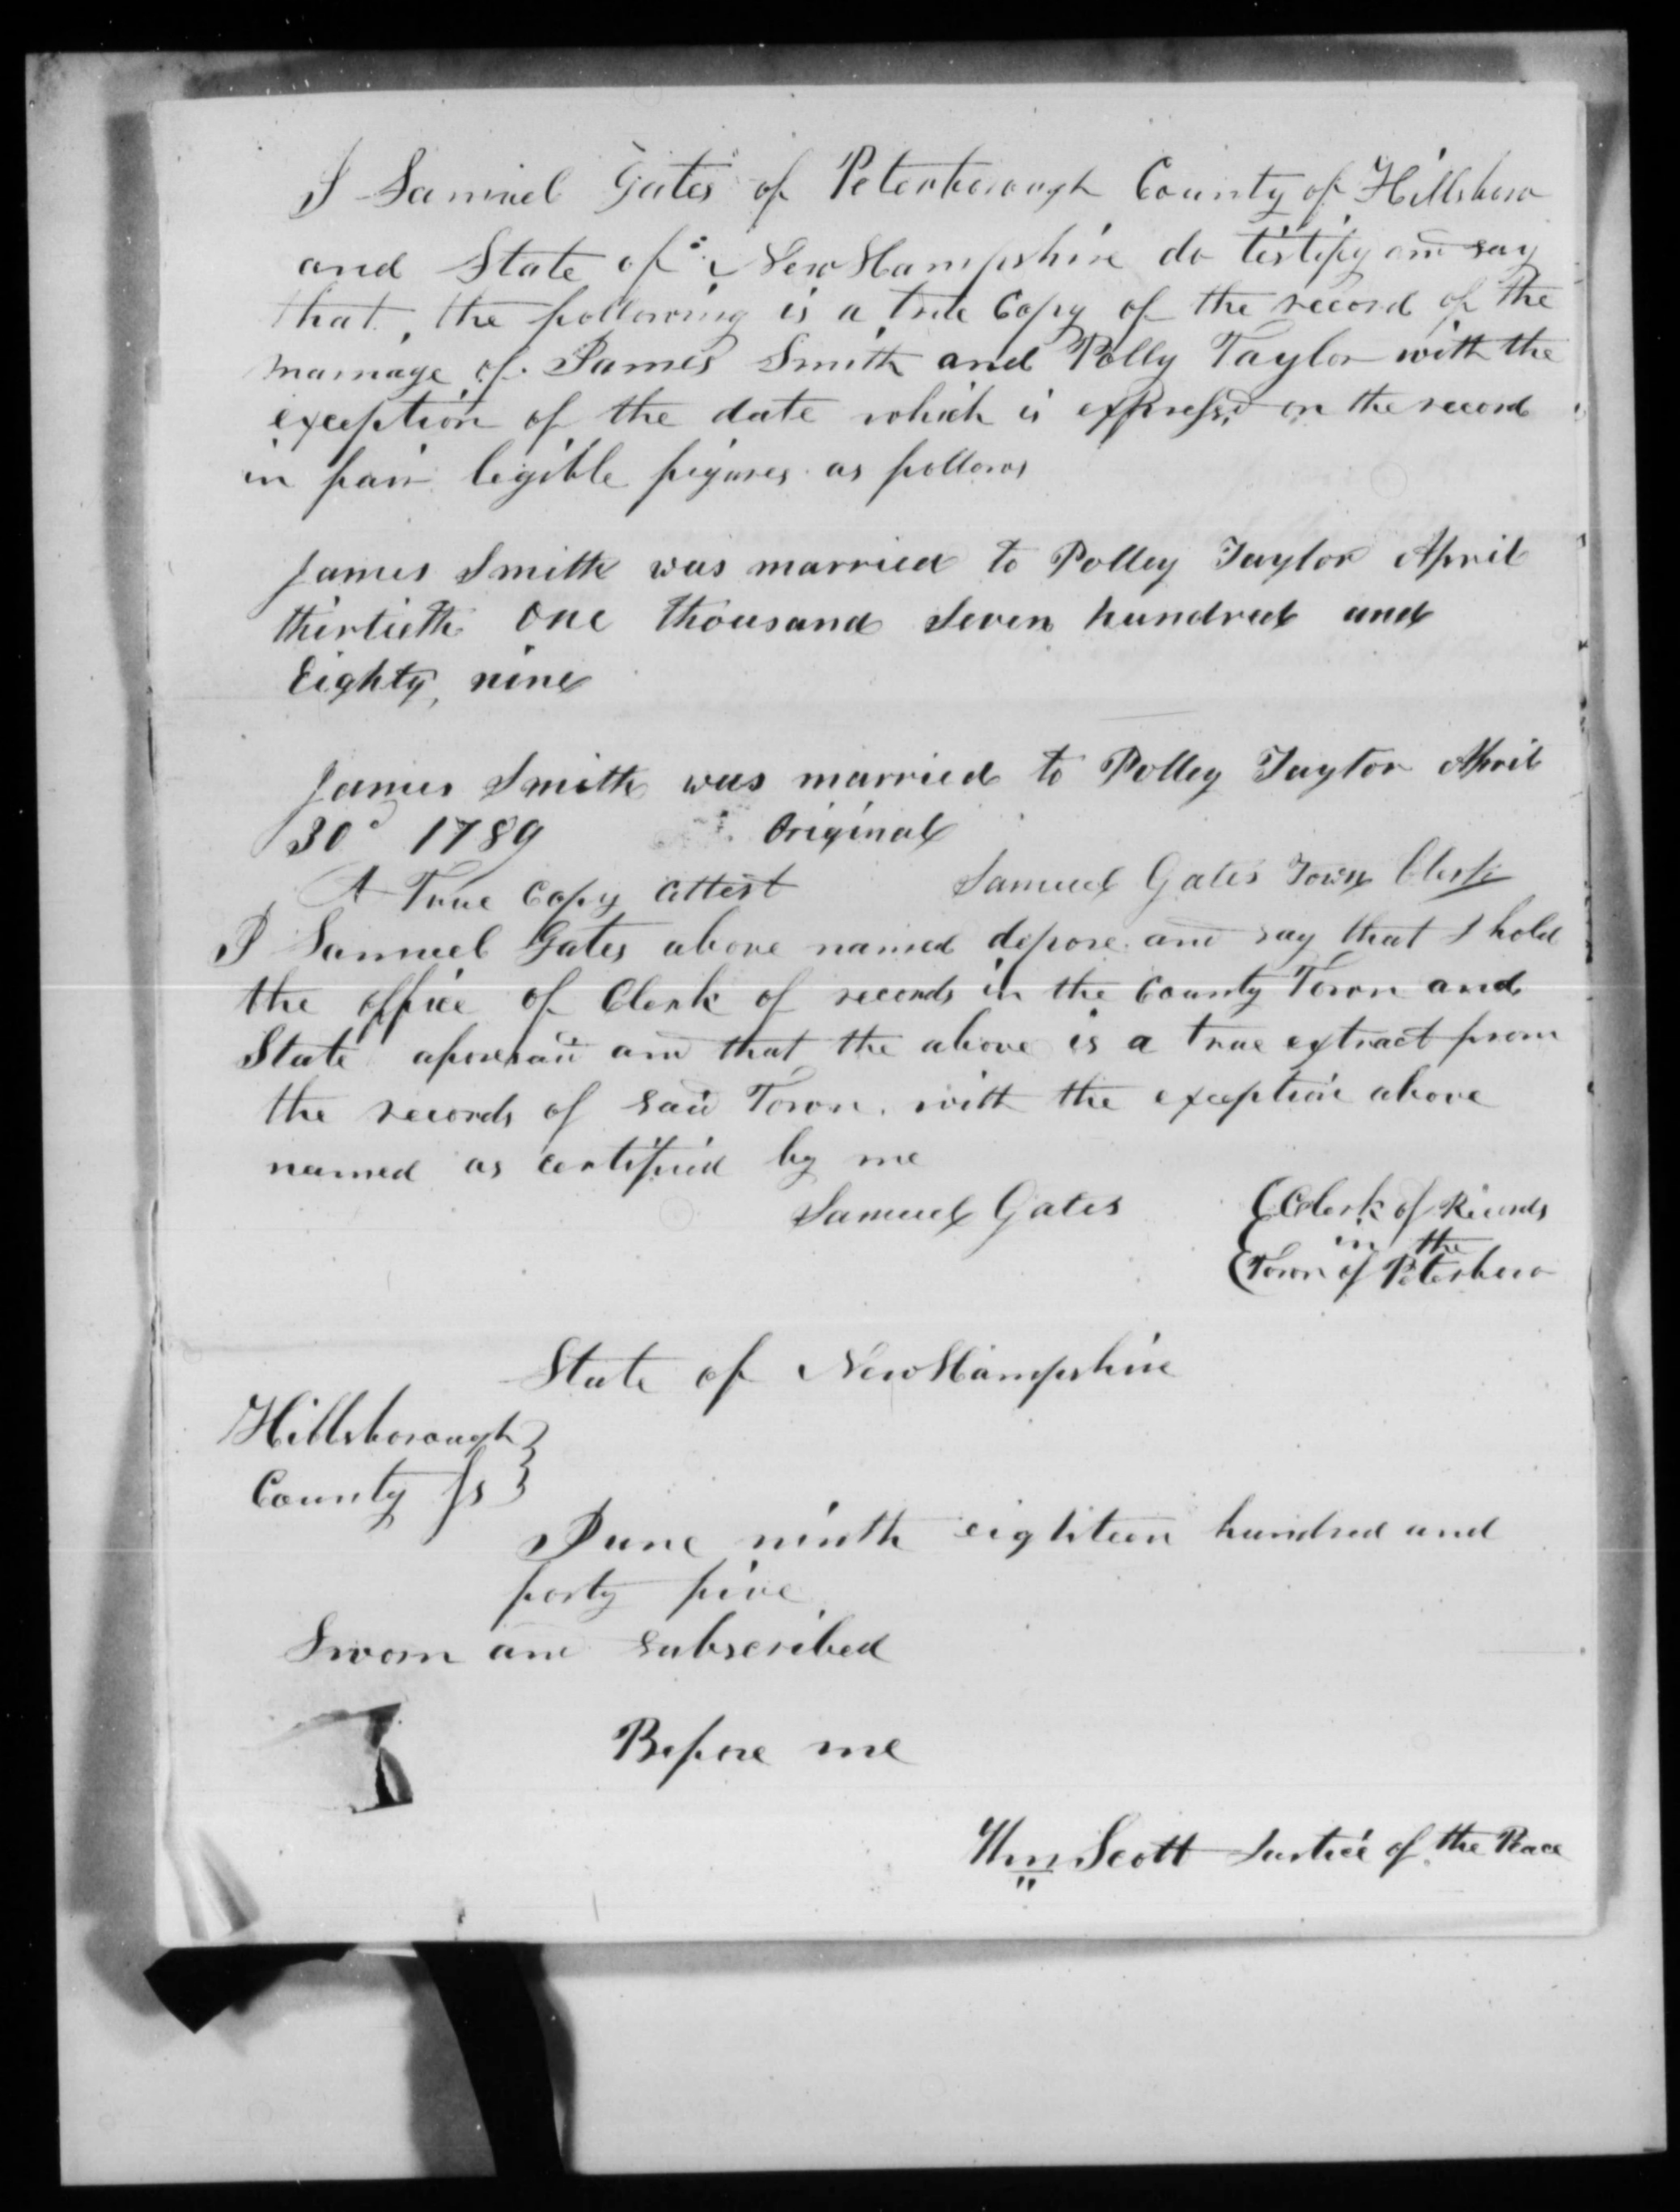I Samuel Gates of Peterborough County of Hillsboro and State of New Hampshire do testify and sat that the following is a true copy of the record of the marriage of James Smith and Polly Taylor with the exception of the date in which it appears on the record in fair ____ ____ as follows
James Smith was married to Polly Taylor April 30, 1789
A true copy attest original Samuel Gates  ____ ______
I Samuel Gates above married _ and say that I hold the office of the Clerk of Records in the County T--- and Sate aforesaid and that the above is a true exact from the records of said town with the exception above name as certified by me
Samuel Gates
Clerk of Record
Town of Peterborough 

State of New Hampshire
Hillsborough County 
June ninth eighteen hundred and forty five
Sworn and subscribed before me  
WM Scott Justice of the Peace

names: Samuel Gates; Samuel Gates; Samuel Gates; Wm Scott; Polley Taylor; Polley Taylor; Samuel Gates; James Smith; Polly Taylor; James Smith; James Smith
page: 14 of 55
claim: widow's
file: W 19058, for James Smith, Massachusetts